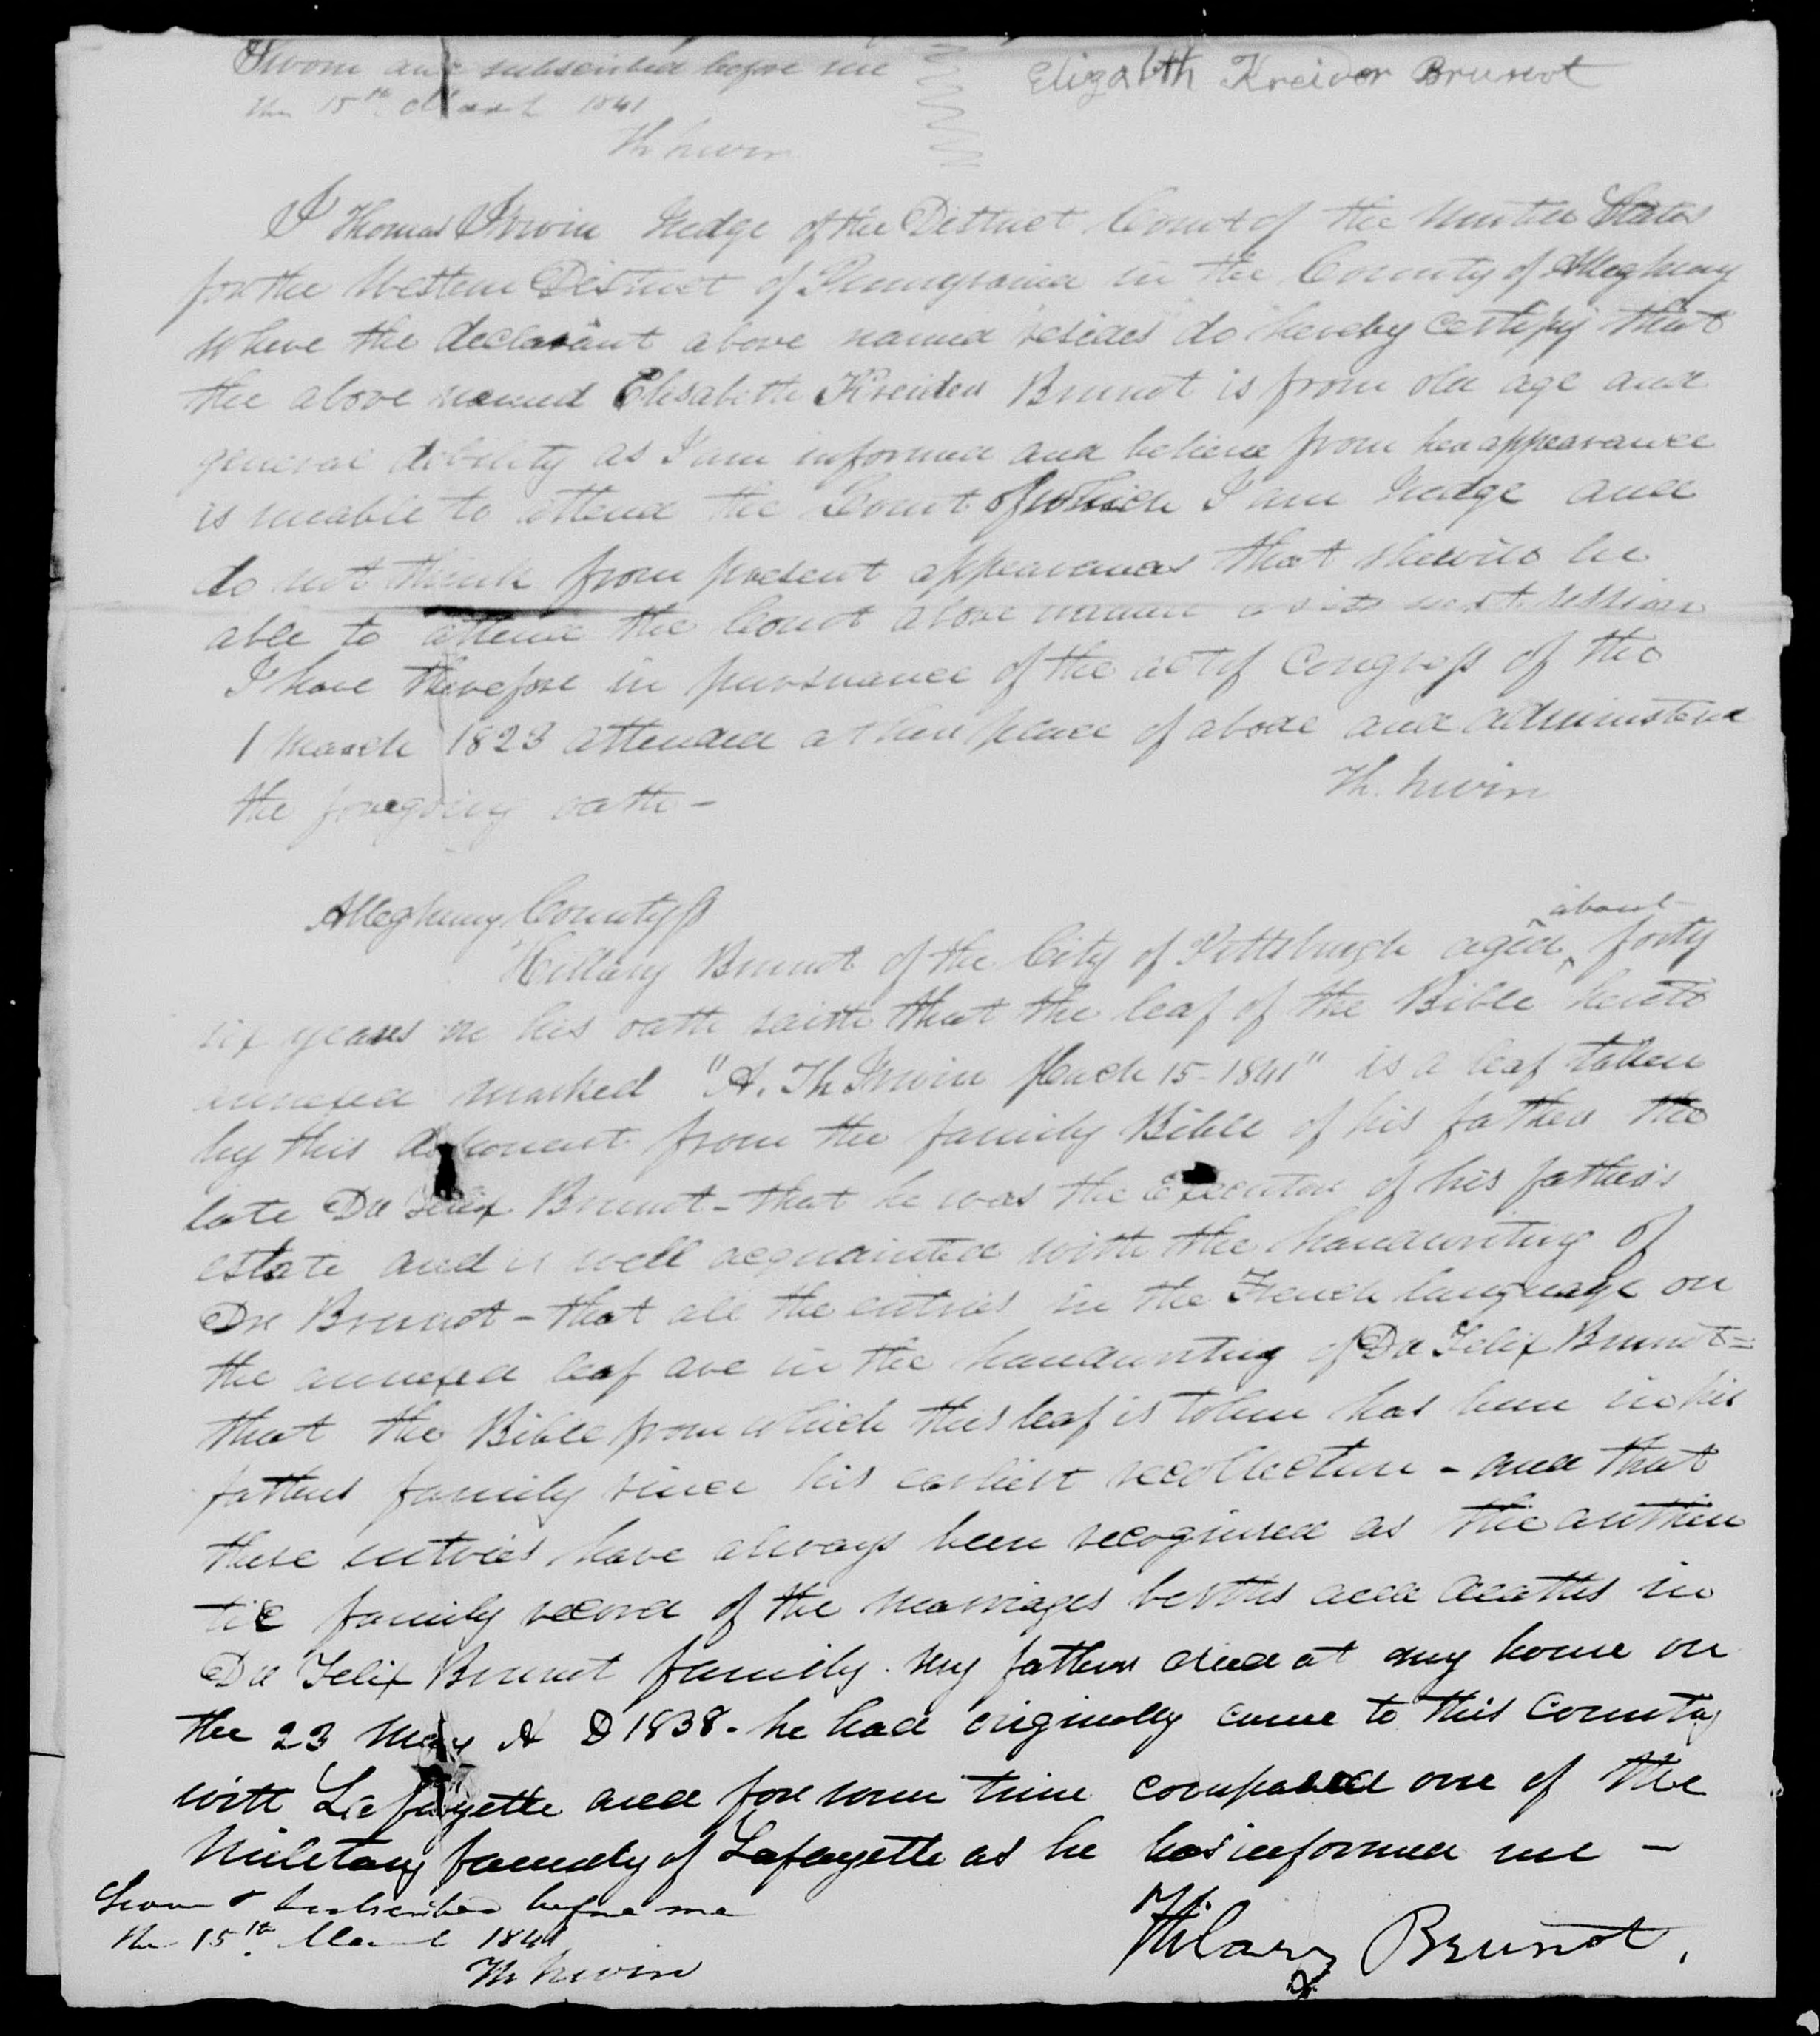Sworn and subscribed before me        Elizabeth Kreider Brunot
 the 15th March 1841               
                             Th. Irwin
I Thomas Irwin Judge of the District Court of United States for the Western District of Pennsylvania in the County of Allegheny where the declarant above named [illegible] do hereby certify that the above named Elisabeth Kreider Brunot is from old age and general debility as I am informed and believe from her appearance is unable to attend the Court of Justice.  I am Judge and do not think from present appearances that she will be able to attend the Court above [illegible].  I have therefore in pursuance of the Act of Congress of the  1 March 1823 attended at the place of above [illegible] the foregoing oath -  Th. Irwin
Allegheny County PA
Hillary Brunot of the City of Pittsburgh aged about forty six years on his oath saith that the leaf of the Bible hereto [illegible] marked "A. Th. Irwin March 15, 1841" is a leaf taken by this [illegible] from the family Bible of his father the late Dr Felix Brunot - that he was the Executor of his Father's estate and is well acquainted with the handwriting of Dr. Brunot - that all the entries in the French language on the annexed leaf are in the handwriting of Dr. Felix Brunot and that the Bible from which this leaf is taken has been in his father's family since his earliest recollection - and that these entries have always been recognised as the authentic family record of the marriages [illegible] in Dr. Felix Brunot family.  My father died at my house on the 23 May AD 1838. he had originally come to this country with Lafayette and for some time [illegible] one of the Military family of Lafayette as he has informed me - 
Sworn and subscribed before me
the 15th March 1841
Th. Irwin                                   Hilary Brunot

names: Lafayette, Felix Brunot, Th Irwin, Elisabeth Kreider Brunot, Th Irwin, Elizabeth Kreider Brunot, Lafayette, Felix Brunot, Felix Brunot, Th Irwin, Brunot, Thomas Irwin, Th Irwin, Hillary Brunot, Hilary Brunot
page: 6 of 34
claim: rejected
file: R. 1371, Felix Brunot, Penn.